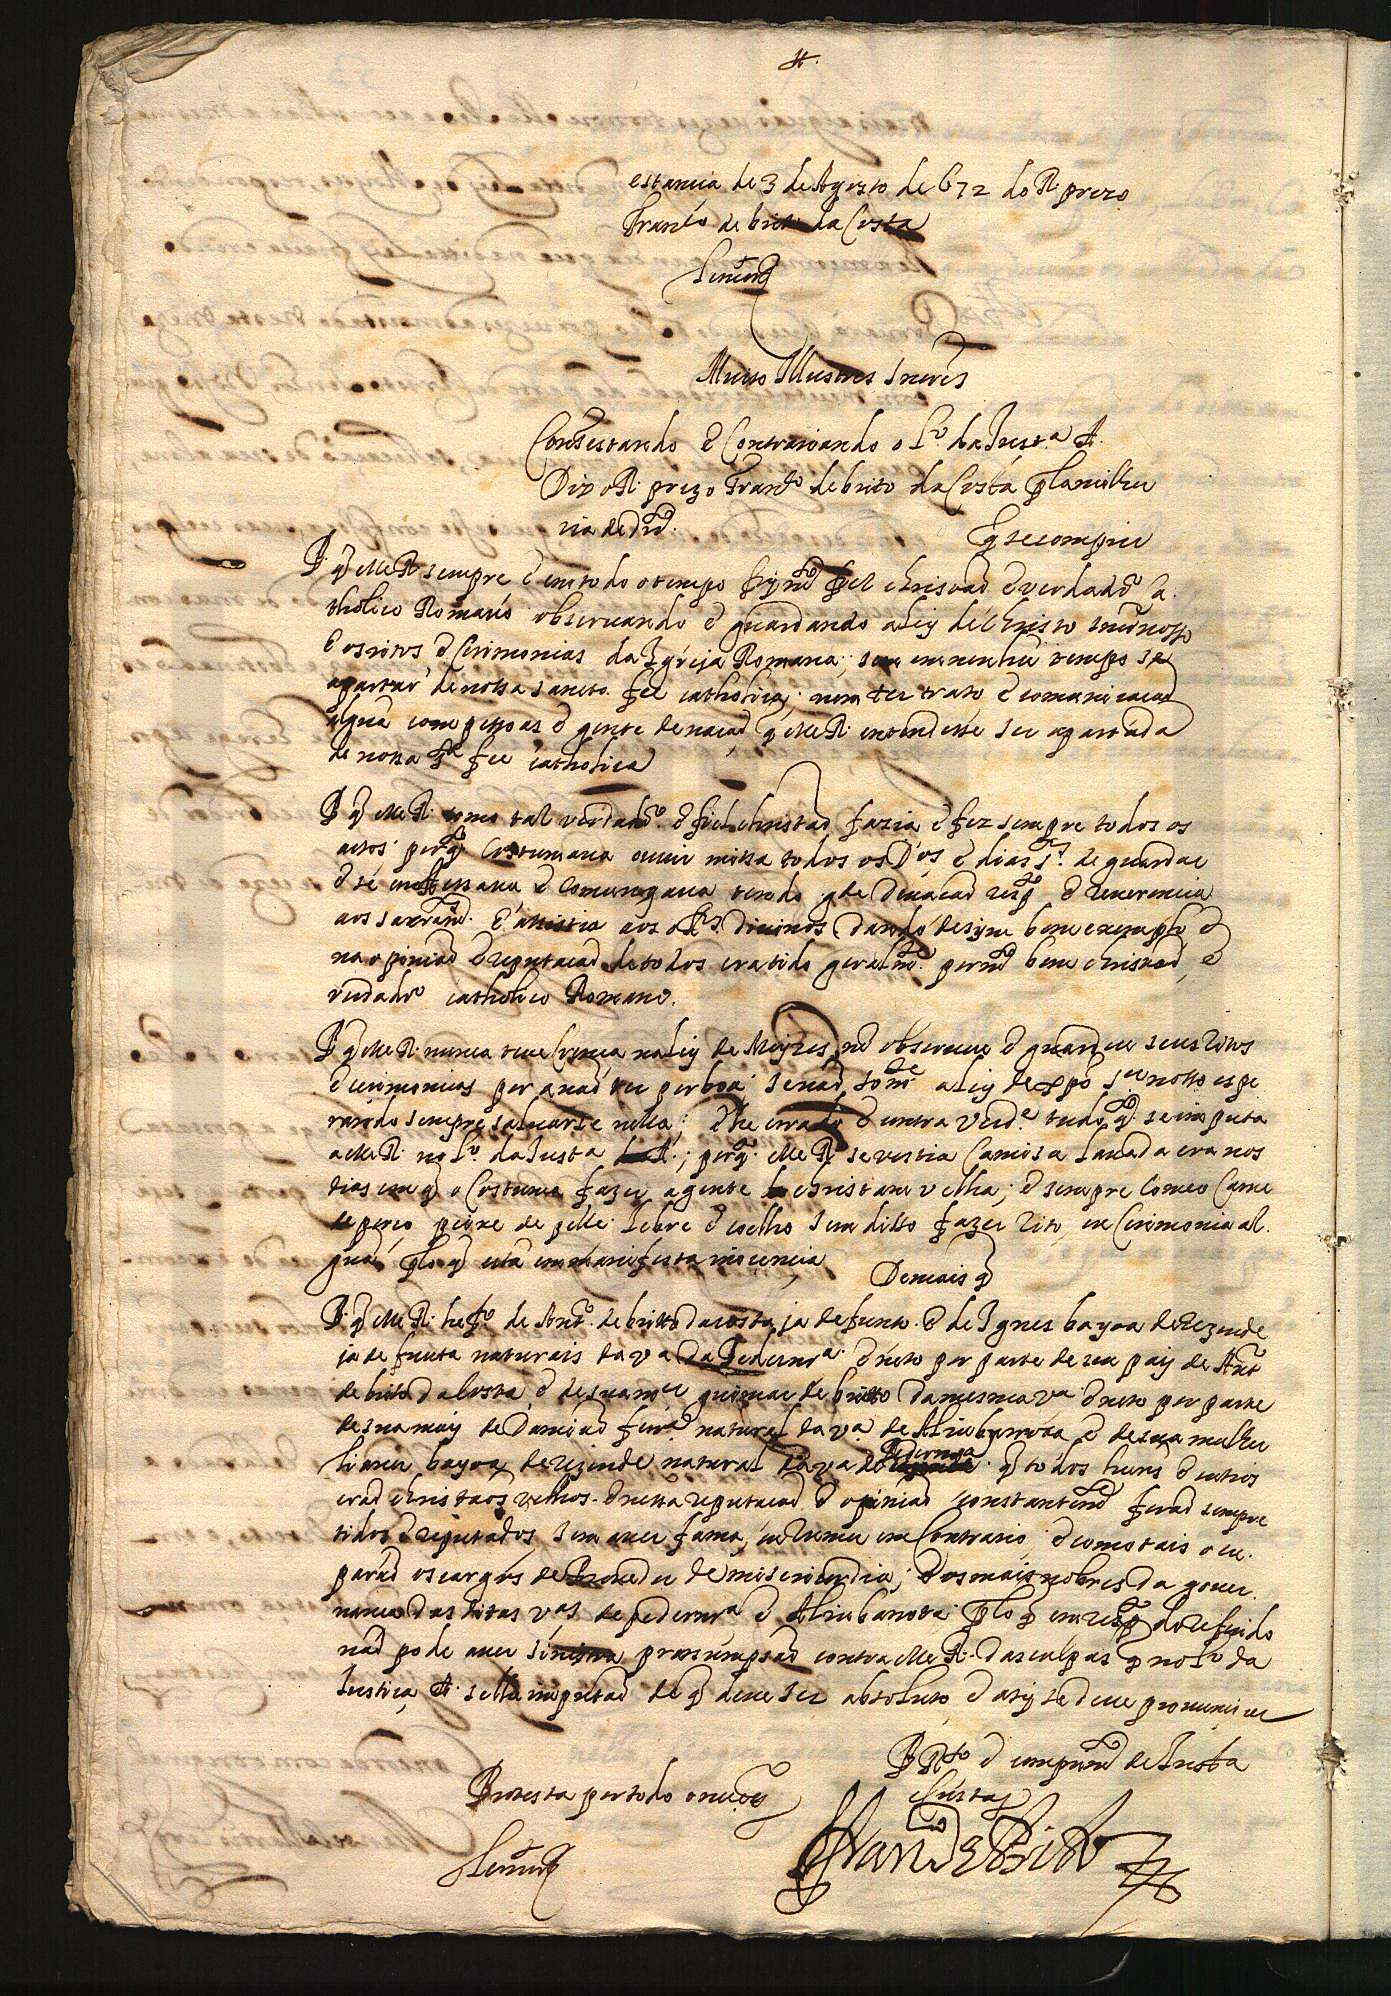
estancia de 3 de Agosto de 672 do R. prezo
Franco de brito da Costa
Lencast̄
Muito Illustres Snorēs
ConTestando e Contrariando o L.o da Iust.a A.
Diz o R. prezo Franco de brito da Costa p̄la milhor
ria de dirto.
q̄ se comprir
P q̄ elle R sempre, e em todo o tempo foy mto fiel christaõ e verdadro Ca
tholico Romano obseruando e guardando a ley de christo snor̄ nosso
e os ritos e Cerimonias da Igreja Romana; sem em nenhū tempo se
apartar de nossa sancta fee catholica; nem ter trato, e comunicaçaõ
alguā com pessoas, e gente de naçaõ q̄ elle R. entendesse ser apartada
de nossa sta fee catholica
P q̄ elle R. como tal verdadro. e fiel christaõ, fazia e fez sempre todos os
actos; porqto costumaua ouuir missa todos os Dos, e dias stos. de guardar
e se conffessaua, e comungaua tendo de deuação respto e reuerencia
aos sacramtos. e assistia aos offos. diuinos dando de sym bom exemplo, e
na opiniaõ e reputaçaõ de todos era tido geralm.te por mto bom christaõ, e
verdadro catholico Romano.
P q̄ elle R. nunca teue Crença na ley de Moyzes, nē obseruou e guardou seus ritos
e cerimonias por a naõ ter por boa; senaõ somte. a ley de xpō s.or nosso espe
rando sempre saluarse nella; e he errado e contra verd.e tudo qto. se imputa
a elle R. no lo. da Iusta _ A.; porqto. elle R se uestia Camisa lauada era nos
dias em q̄ o Costuma fazer a gente _ christam velha; e sempre comeo Carne
de porco, peixe de pelle, lebre e coelho sem disso fazer rito, ou Cerimonia al
guā p̄lo q̄ esta em manifesta inocencia
Demais q̄
P. q̄ elle R. he f.o de Anto. de britto da costa ja defunto. e de Ignes bayoa de Rezende
ia defunta naturais da va da Pedernra. e neto por parte de seu pay de Anto
de brito da Costa, e de sua m.er guimar de britto da mesma va e neto por parte
de sua may de Damiaõ ferr.a natural da va. de Aliubarrota, e de sua mulher
lianor bayoa de rezende natural da va de Pedernra q̄ todos huns̄ e outros
erão christaõs velhos e nessa reputaçaõ e opinião constantemte forão sempre
tidos e reputados sem auer fama, nēhuma em Contrario, e como tais ocu
paraõ os cargos de Prouedor de misericordia; dos mais nobres da gouer
nança das ditas vas, de pedernra, e Aliubarrota p̄lo q̄ em respto do referido
não pode auer sinistra presumpsaõ contra elle R. das culpas q̄ no lo da
Iustiça A. se lhe imputaõ de q̄ deue ser absoluto, e asy se deue pronunciar
P Rto e comprimto de Iusta
e Custas
Protesta por todo o necesso
franco E Brito
Lencast̄
